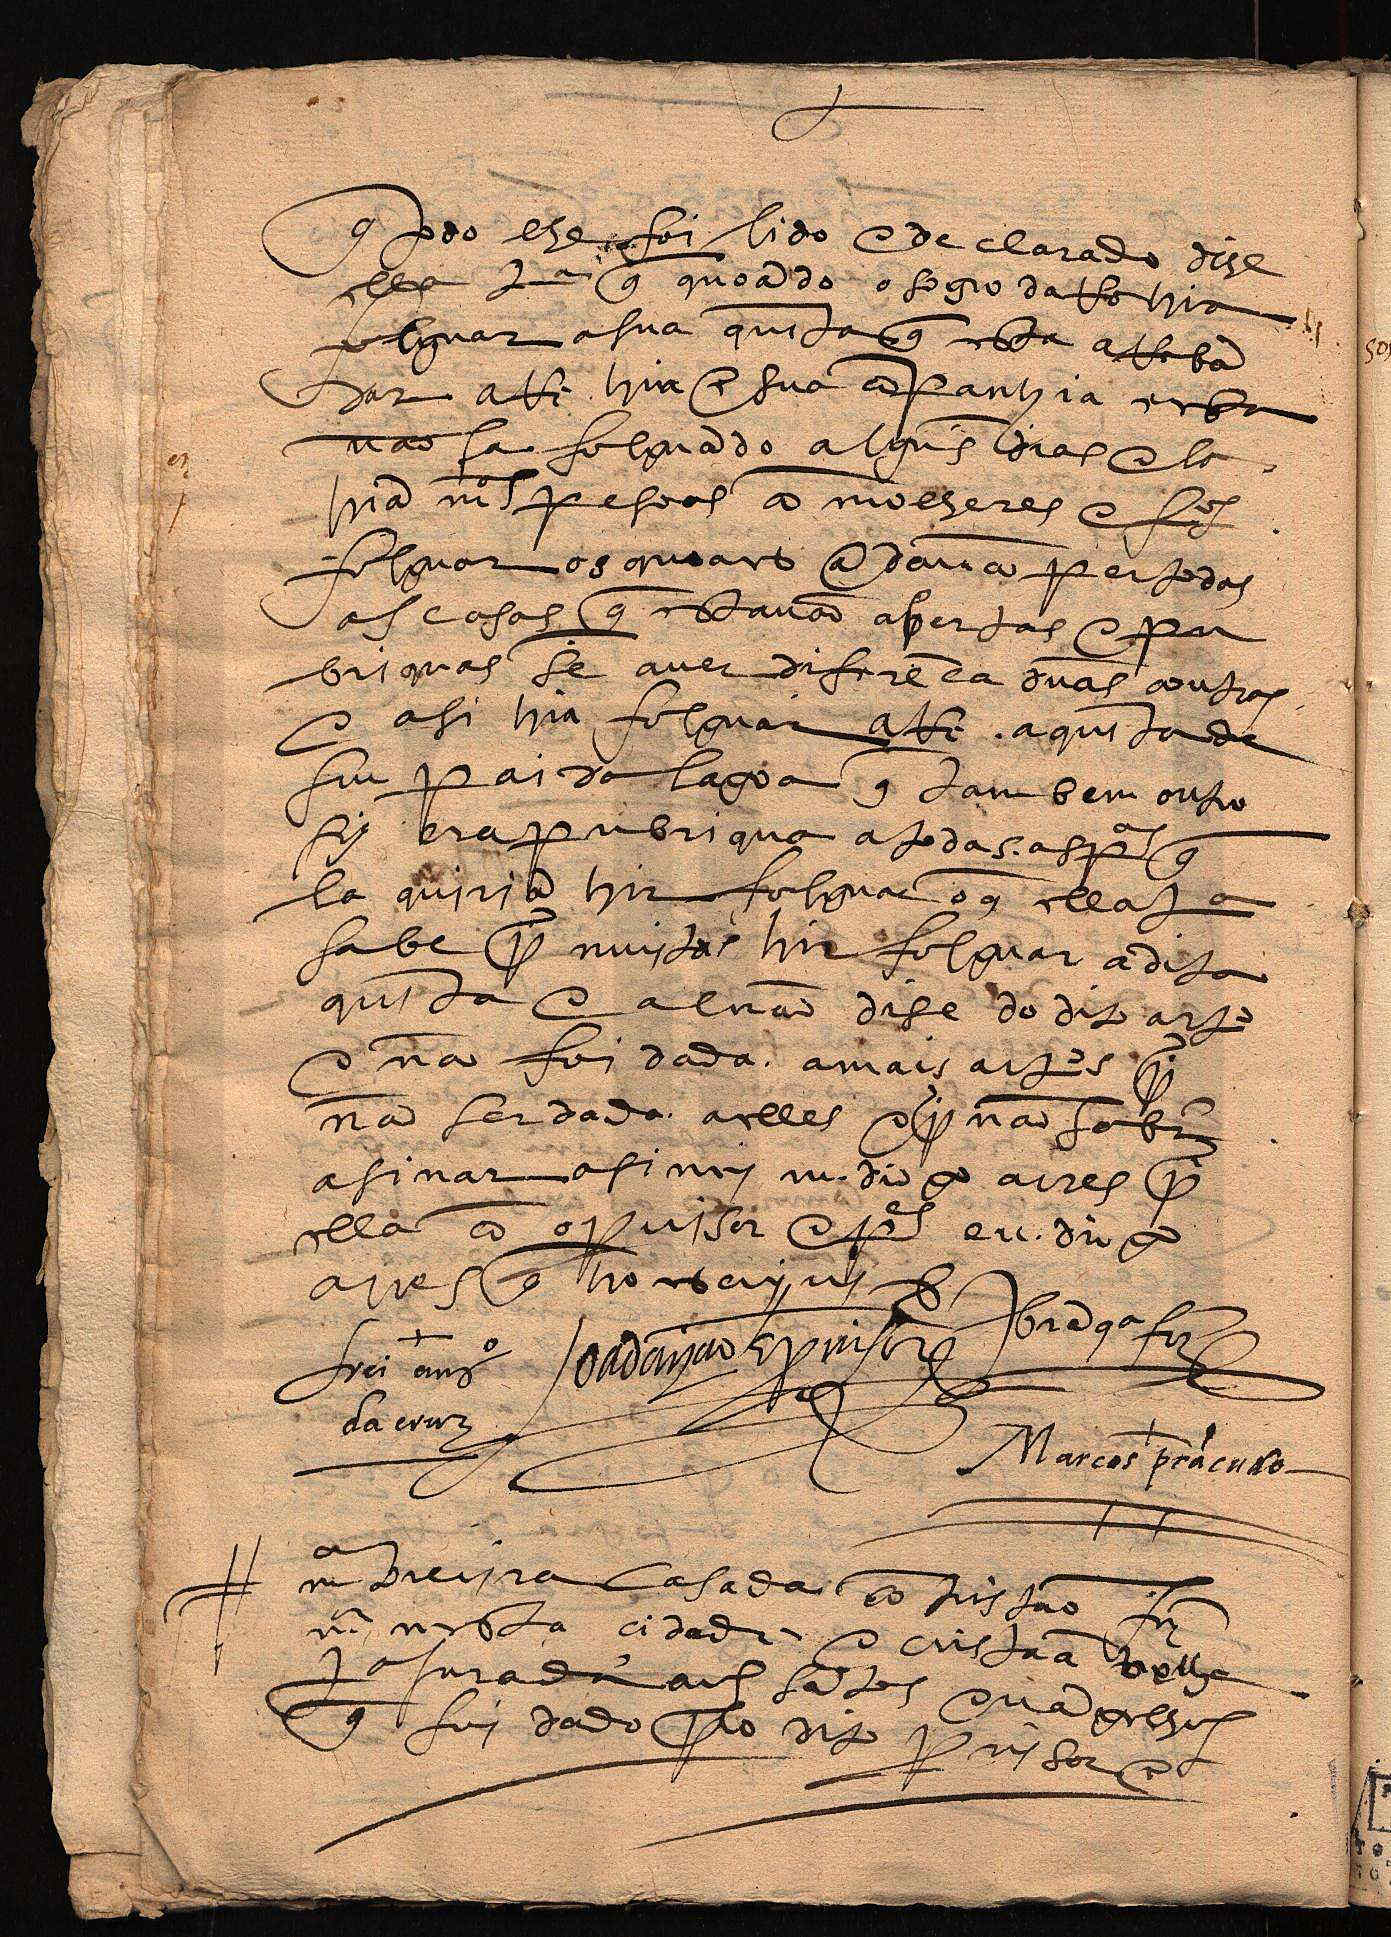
q̄ todo lhe foi lido e declarado dise
ella ta q̄ quoādo o sogro da Re hia
folguar a sua q̄uita q̄ esta a Rebā
dar a Re hia ē sua c̄opanhia e esta
uão la folguādo algūs dias e la
hiā mtas pesoas c̄o molheres e fos
folguar os quoaes ādauão per todas
as casas q̄ estauão abertas e pu
briquas s̄e auer diferēca dūas a outras
e asi hia folguar a Re . a quīta de
seu pai da lagoa q̄ tambem outro
sy era pubriqua a todas as pas q̄
la qujrjā hir folguar o q̄ ella ta
sabe p̄o mujtas hir folguar a dita
quīta e al não dise do dito arto
e não foi dada . a mais artos p̄o
não ser dada a elles e p̄o não sabr̄
asinar asiney eu diogo aires p̄o
ella c̄o o ꝓujsor e pes eu. diogo
ajres q̄ ho escryuj
brāqa frz̄
frei anto
o adayão E ꝓuisor
da cruz
Marcos prācudo
item ma vieyra Casada c̄o tristão frz̄
mor nesta çidade e cristaā velha
ta Jurada aos sātos euāgelhos
q̄ foj dado p̄lo dito ꝓujsor ē
